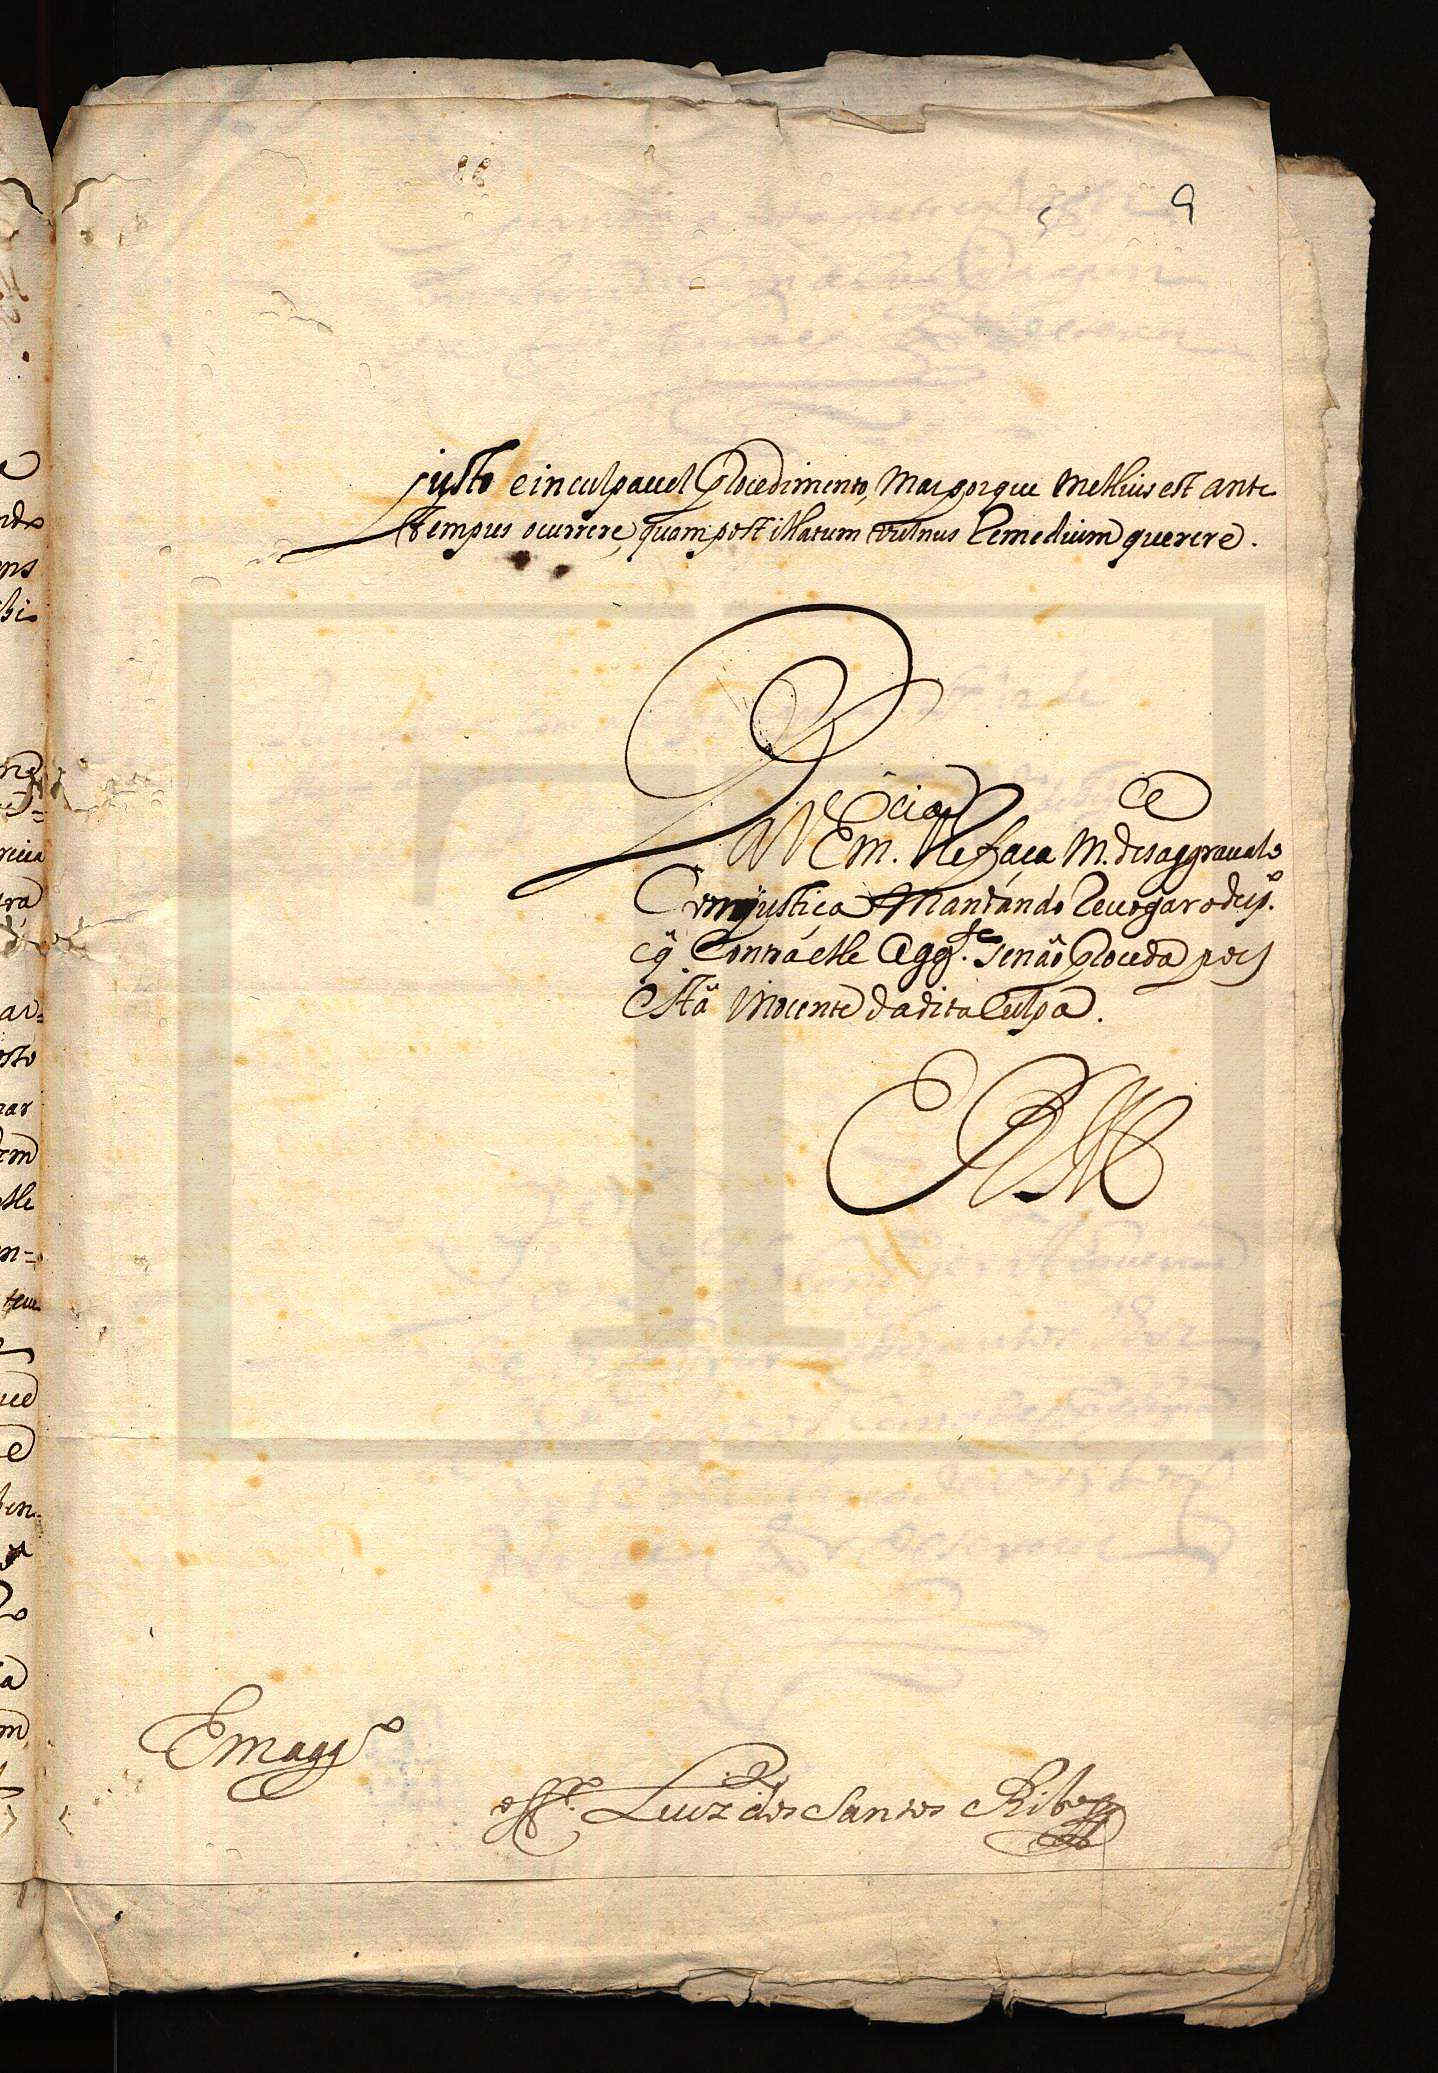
Em aggo
justo e inculpauel procedimento, mas porque mellius est ante
tempus ocurrere, quam post illatum vulnus Remedium querere.
Pa V Em.cia lhe faça m.ce desaggraualo
Com justiça mandando Reuogar o desp.o
e q̄. Contra elle Agg.te se naõ proceda pois
estâ inocente da dita culpa.
E R M
off.o Luiz dos Santos Ribo
